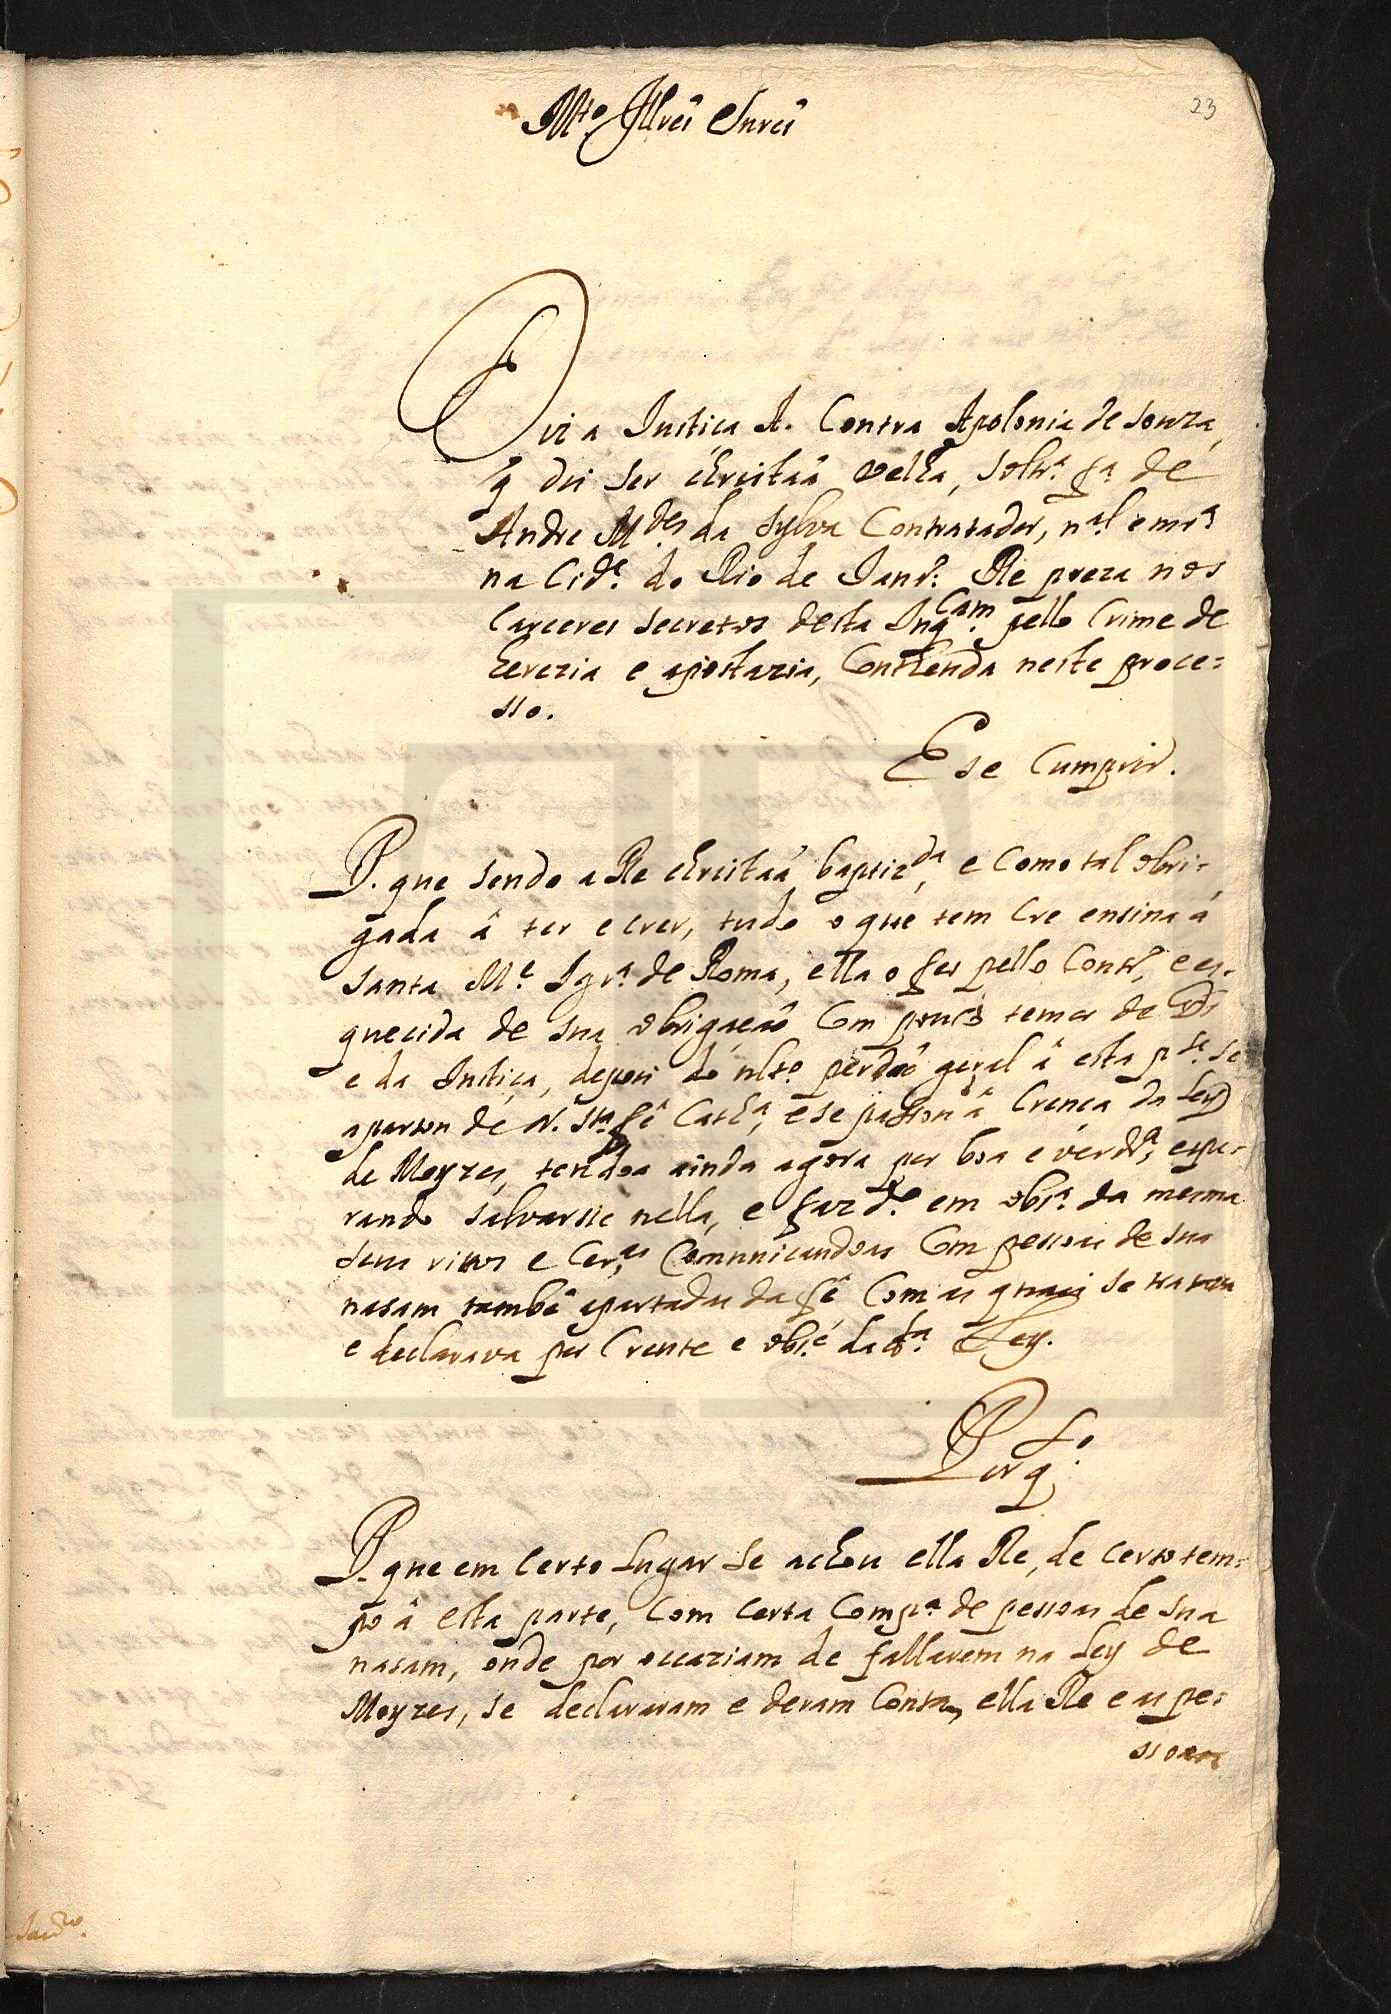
Ianro.
Mt.o Jllres̄ Snres̄
Diz a Iustiça A. Contra Apolonia de Souza,
q̄ dis ser christaã velha, soltr.a fa. de
Andre Md.es da Sylva Contratador, n.al e mra.
na Cid.e do Rio de Ianr:o Re preza nos
carceres secretos desta Inq.çam pello Crime de
herezia e apostazia, Contheuda neste proce
sso.
E se Cumprir.
P. que sendo a Re christaã baptizda, e como tal obri
gada â ter, e crer, tudo o que tem cre ensina á
santa M.e Igr.a de Roma, ella o fes pello Contro, e es
quecida de sua obrigaçaõ Com pouco temor de Ds̄
e da Iustiça, depois do ult.o perdaõ geral â esta pt.e se
apartou de N. sta fê Catha, e se passou â Crença da Ley
de Moyzes, tendoa ainda agora por boa, e verdra, espe
rando salvarsse nella, e fazd.o em obs.a da mesma
seus rittos e Cer,as Comunicandoas Com pessoas de sua
nasam tambē apartadas da fê, Com as quais se tratou
e declarava por Crente e obs.e da d̄a. Ley.
Porq.to
P. que em certo Lugar se achou ella Re, de certo tem
po â esta parte, com certa comp.a de pessoas de sua
nasam, onde por occaziam de fallarem na Ley de
Moyzes, se declararam e deram conta, ella Re e as pe
ssoas
